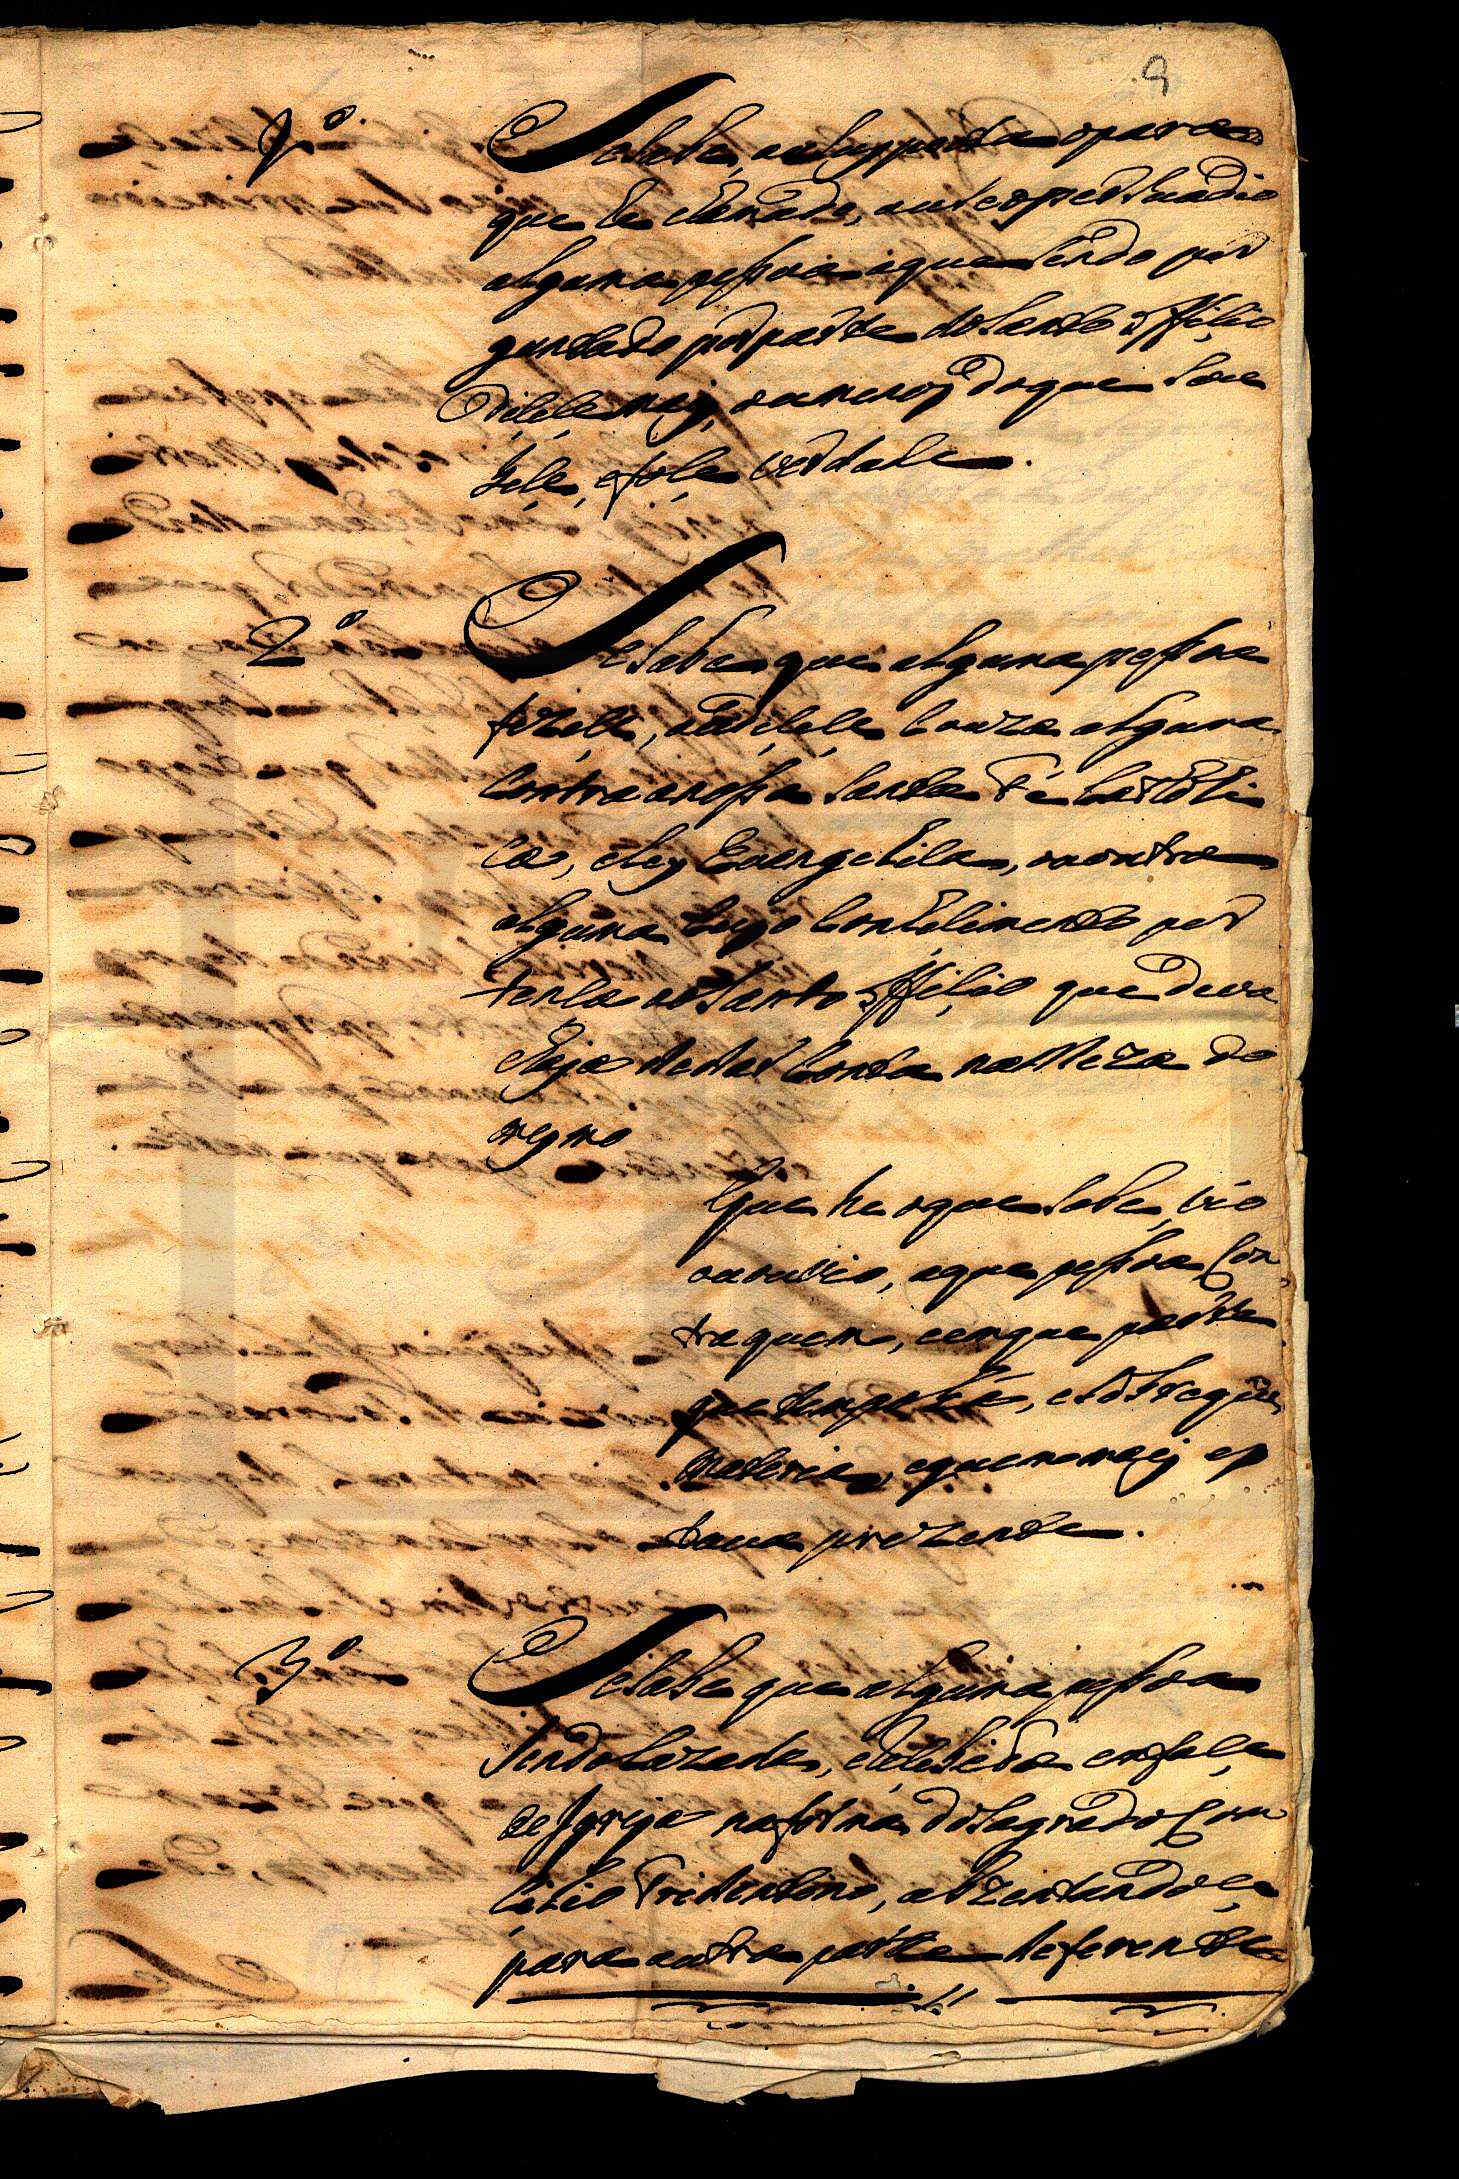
3o.
2o.
2o
Se sabe, ou Suspeita o para
que he chamado, ou se o persuadio
aLguma pessoa a que sendo per
guntado por parte do Santo offiÇio
diÇeÇe mais, ou menos do que sou
beÇe, e foÇe verdade.
Se sabe que aLguma pessoa
fiZeÇe, ou diÇeÇe Couza aLguma
Contra a nossa santa Fé CathoLi
ca, e Ley EvangeLica, ou outra
aLguma Cujo ConheÇimento per
tenÇa ao Santo offiÇio que deva
e haja de dar Conta na Meza do
mesmo
Que he o que sabe, vío
ou ouvio, a que pessoa Con
tra quem, e em que parte
que tempo há, e sobre que
materia, e quem mais es
taua prezente
Se sabe que aLguma pessoa
sendo Cazada, e ReÇebida em faÇe
de Jgreja na forma do Sagrado Com
ÇiLio Tridentino, abzentrandoce
para outra parte deferente
